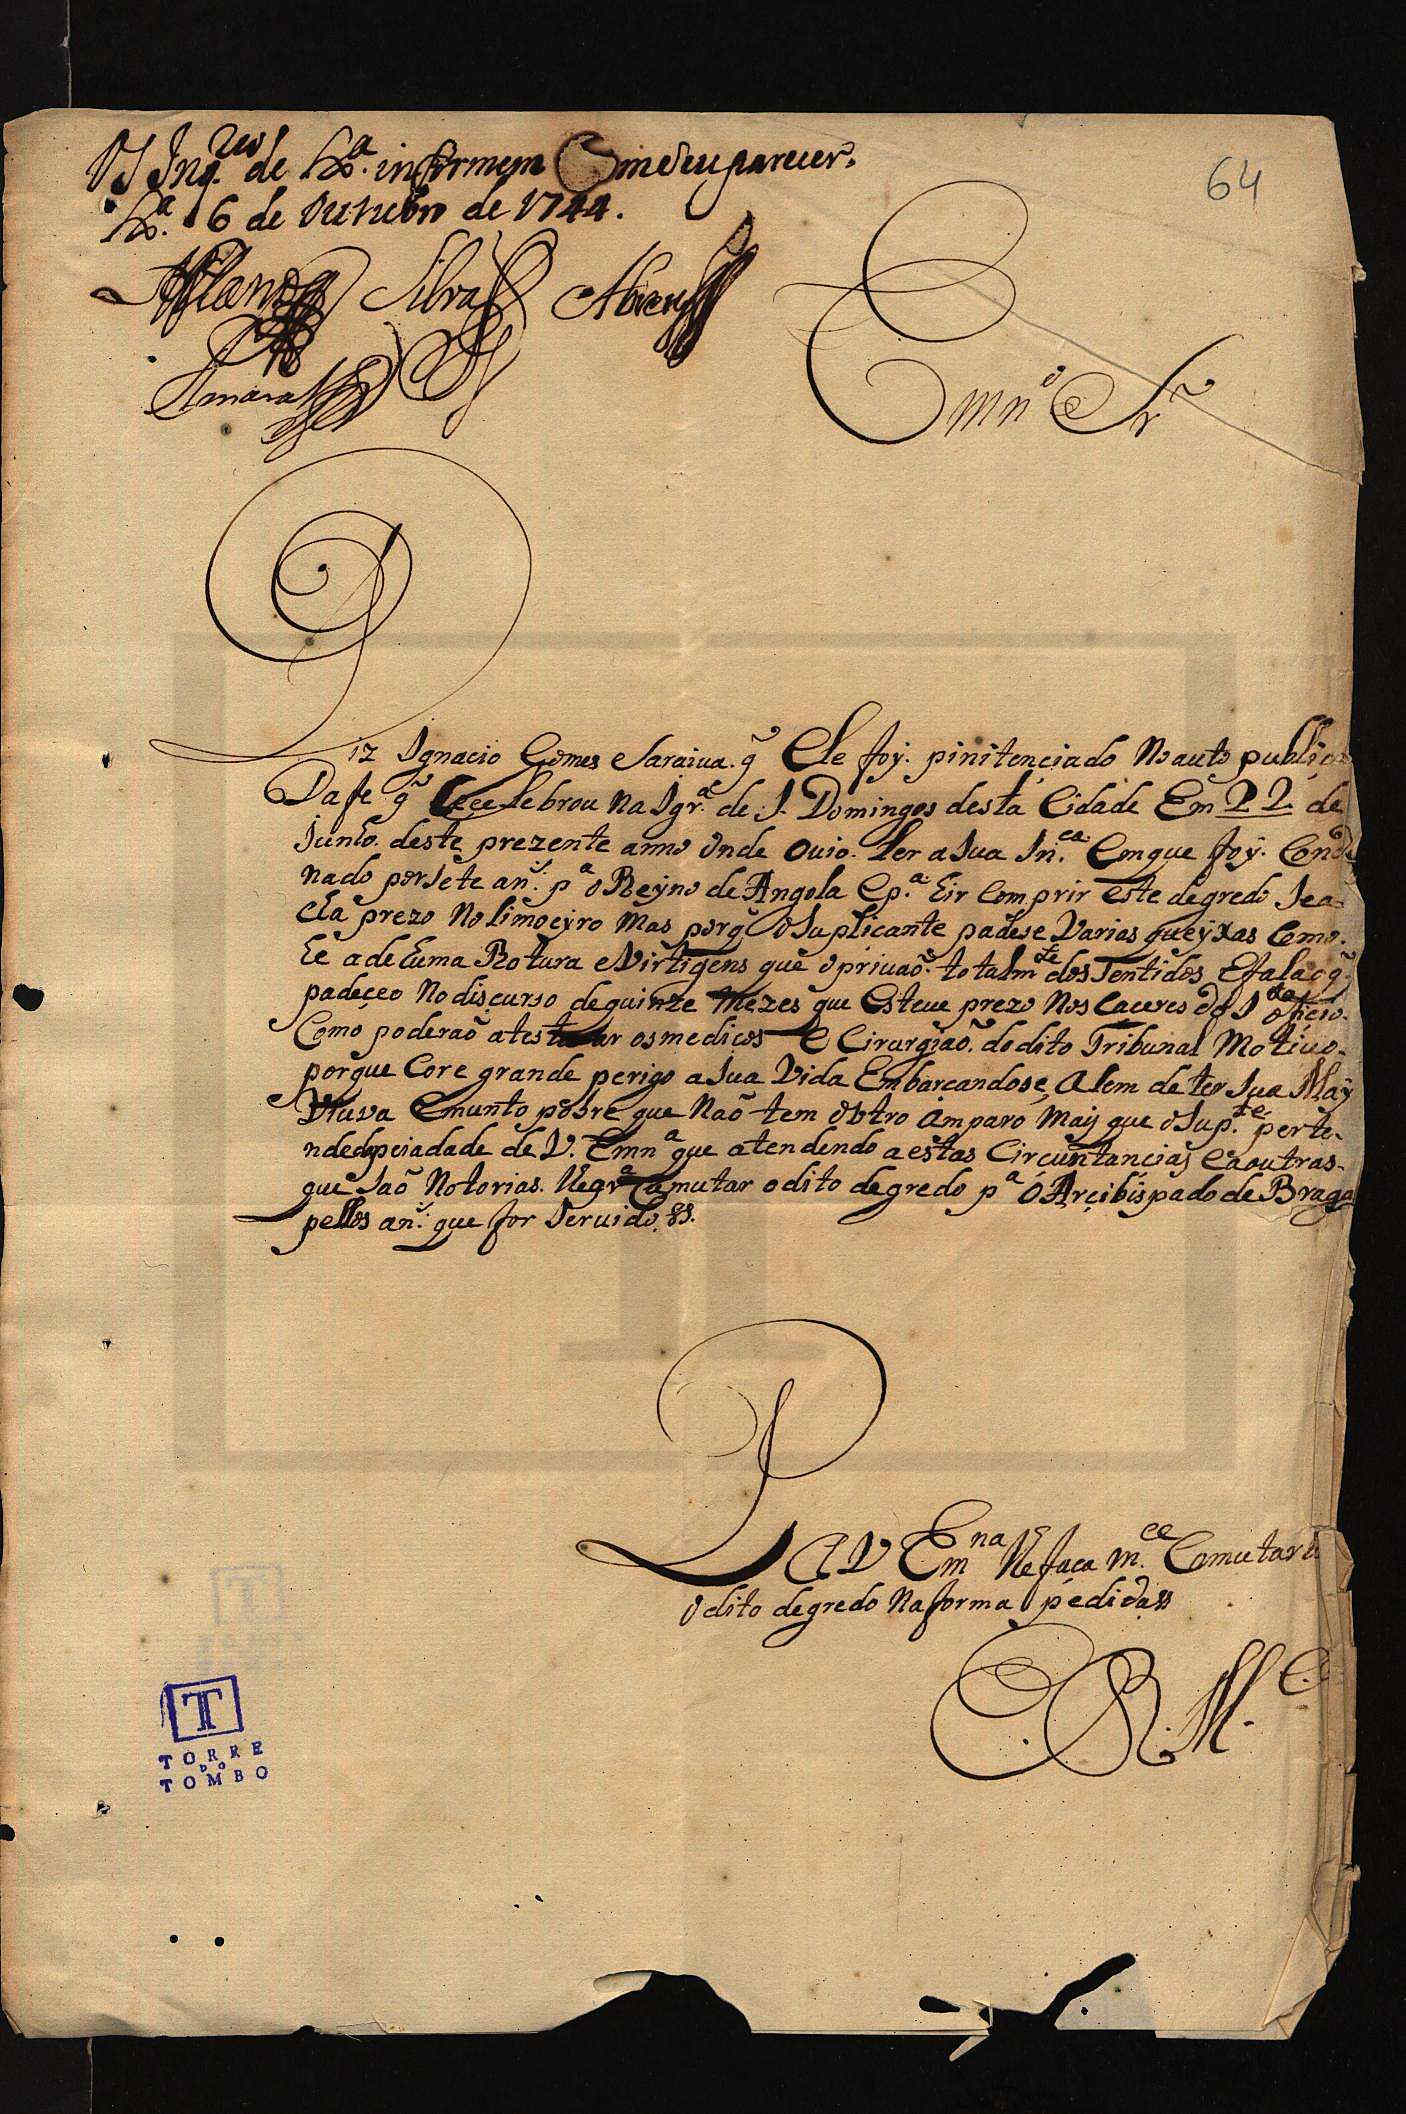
Os Inq.res de Lx.a informem _m seu parecer.
Lx.a 6 de Outubro de 1744.
Manoel Silva Abreu
Amaral
Emn.e Sr.o
Diz Ignacio Gomes Saraiua q̄ Ele foy. pinitenciado No auto publico
Da fe q̄ Ce celebrou na Igr.a de S. Domingos desta Cidade Em 22 de
Iunho deste prezente anno onde ouio. Ler a sua Sn.ca Em que foy. Conde
nado por sete an.s pa o Reyno de Angola E p.a hir comprir este degredo se a
cha prezo no Limoeyro mas porq̄ o suplicante padese Varias queyxas Como.
he a de huma Rotura e Virtigens que o priuaõ totalm.te dos sentidos E falao q̄
padeceo no discurso de quinze mezes que esteue prezo nos Caceres do Sto oficio
Como poderaõ atest_ar os medicos E Cirurgiaõ do dito Tribunal Motiuo
porque Core grande perigo a sua Vida Embarcandose, alem de ter Sua May
Viuva e munto pobre que naõ tem ovtro amparo mais que o sup.te perte
nde da peiadade de V. Emna que atendendo a estas circuntancias e a outras
que saõ notorias. lhe qra Comutar o dito degredo p.a o Arcibispado de Braga
pellos an.s que for seruido. &s.
P a V Em.na lhe faça m.ce Comutar
o dito degredo na forma pedida//
E. R. M.e
